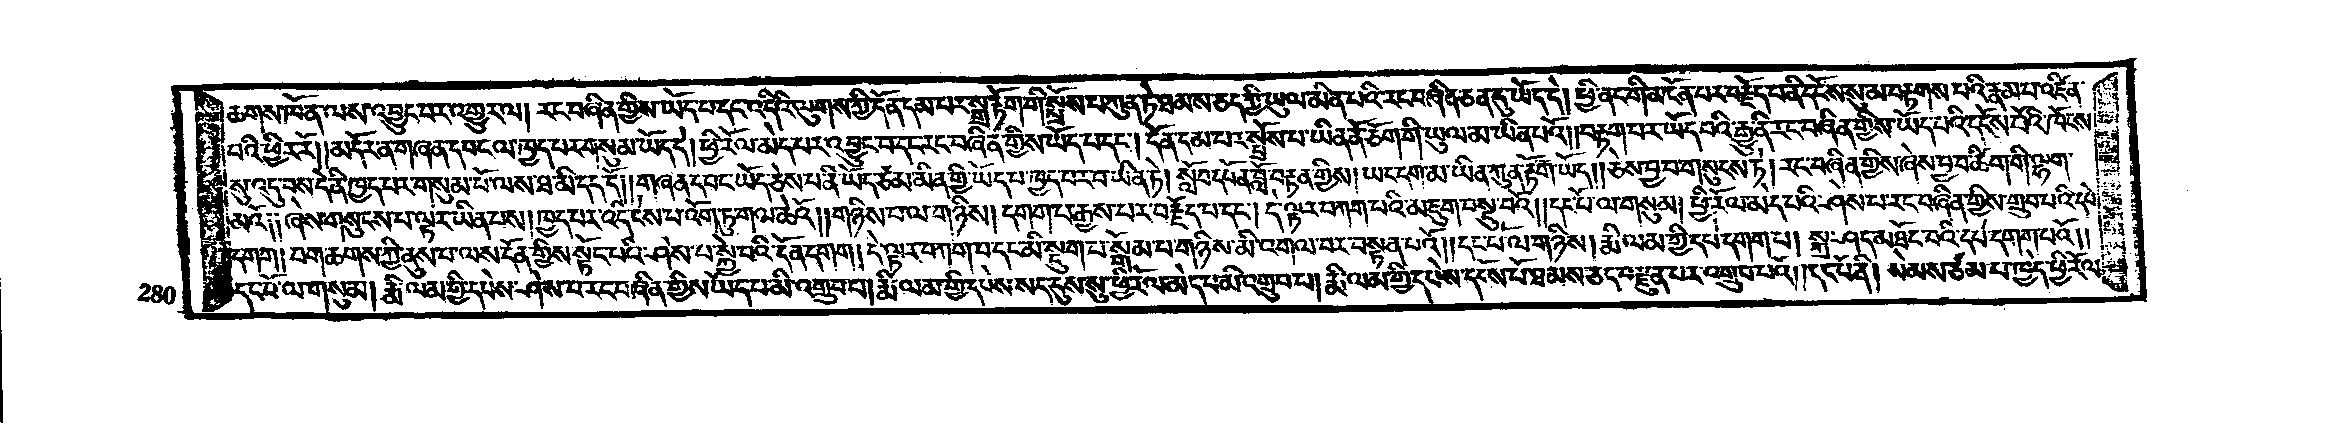ཆགས་ཁོ་ན་ལས་འབྱུང་བར་འགྱུར་ལ། རང་བཞིན་གྱིས་ཡོད་པ་དང་འདིའི་ལུགས་ཀྱི་དོན་དམ་པར་སྒྲ་རྟོག་གི་སྤྲོས་པ་ཀུན་ཏེ་ཐམས་ཅད་ཀྱི་ཡུལ་མིན་པའི་རང་བཞིན་ཅན་དུ་ཡོད་དེ། ཕྱི་ནང་གི་མངོན་པར་བརྗོད་པ་ནི་དངོས་སུ་མ་བརྟགས་པའི་རྣམ་པ་འཛིན་
པའི་ཕྱིར་རོ། །མདོར་ན་གཞན་དབང་ལ་ཁྱད་པར་གསུམ་ཡོད་དེ། ཕྱི་རོལ་མེད་པར་འབྱུང་བ་དང་རང་བཞིན་གྱིས་ཡོད་པ་དང་། དོན་དམ་པར་སྤྲོས་པ་ཡིན་ནོ་ཅོག་གི་ཡུལ་མ་ཡིན་པའོ། །བརྟག་པར་ཡོད་པའི་རྒྱུ་ནི་རང་བཞིན་གྱིས་ཡོད་པའི་དངོས་པོའི་ཁོངས་
སུ་འདུ་བས་དེ་ནི་ཁྱད་པར་གསུམ་པོ་ལས་ཐ་མི་དད་དོ། །གཞན་དབང་ཡོད་ཅེས་པ་ནི་ཡོད་ཙམ་མིན་གྱི་ཡོད་པ་ཁྱད་པར་བ་ཡིན་ཏེ། སློབ་དཔོན་བློ་བརྟན་གྱིས། ཡང་དག་མ་ཡིན་ཀུན་རྟོག་ཡོད། །ཅེས་བྱ་བ་གསུངས་ཏེ། རང་བཞིན་གྱིས་ཞེས་བྱ་བ་ཚིག་གི་ལྷག་
མའོ། །ཞེས་གསུངས་པ་ལྟར་ཡིན་པས། ཁྱད་པར་འདི་ངེས་པ་འོག་ཏུ་གལ་ཆེའོ། །གཉིས་པ་ལ་གཉིས། དགག་པ་རྒྱས་པར་བརྗོད་པ་དང་། དེ་ལྟར་བཀག་པའི་མཇུག་བསྡུ་བའོ། །དང་པོ་ལ་གསུམ། ཕྱི་རོལ་མེད་པའི་ཤེས་པ་རང་བཞིན་གྱིས་གྲུབ་པའི་དཔེ་
དགག །བག་ཆགས་ཀྱི་ནུས་པ་ལས་དོན་གྱིས་སྟོང་བའི་ཤེས་པ་སྐྱེ་བའི་དོན་དགག །དེ་ལྟར་བཀག་པ་དང་མི་སྡུག་པ་སྒོམ་པ་གཉིས་མི་འགལ་བར་བསྟན་པའོ། །དང་པོ་ལ་གཉིས། རྨི་ལམ་གྱི་དཔེ་དགག་པ། སྐྲ་ཤད་མཐོང་བའི་དཔེ་དགག་པའོ། །
དང་པོ་ལ་གསུམ། རྨི་ལམ་གྱི་དཔེས་ཤེས་པ་རང་བཞིན་གྱིས་ཡོད་པ་མི་འགྲུབ་པ། རྨིན་ལམ་གྱི་དཔེས་སད་དུས་སུ་ཕྱི་རོལ་མེད་པ་མི་འགྲུབ་པ། རྨི་ལམ་གྱི་དཔེས་དངོས་པོ་ཐམས་ཅད་བརྫུན་པར་འགྲུབ་པའོ། །དང་པོ་ནི། སེམས་ཙམ་པ་ཁྱེད་ཕྱི་རོལ་